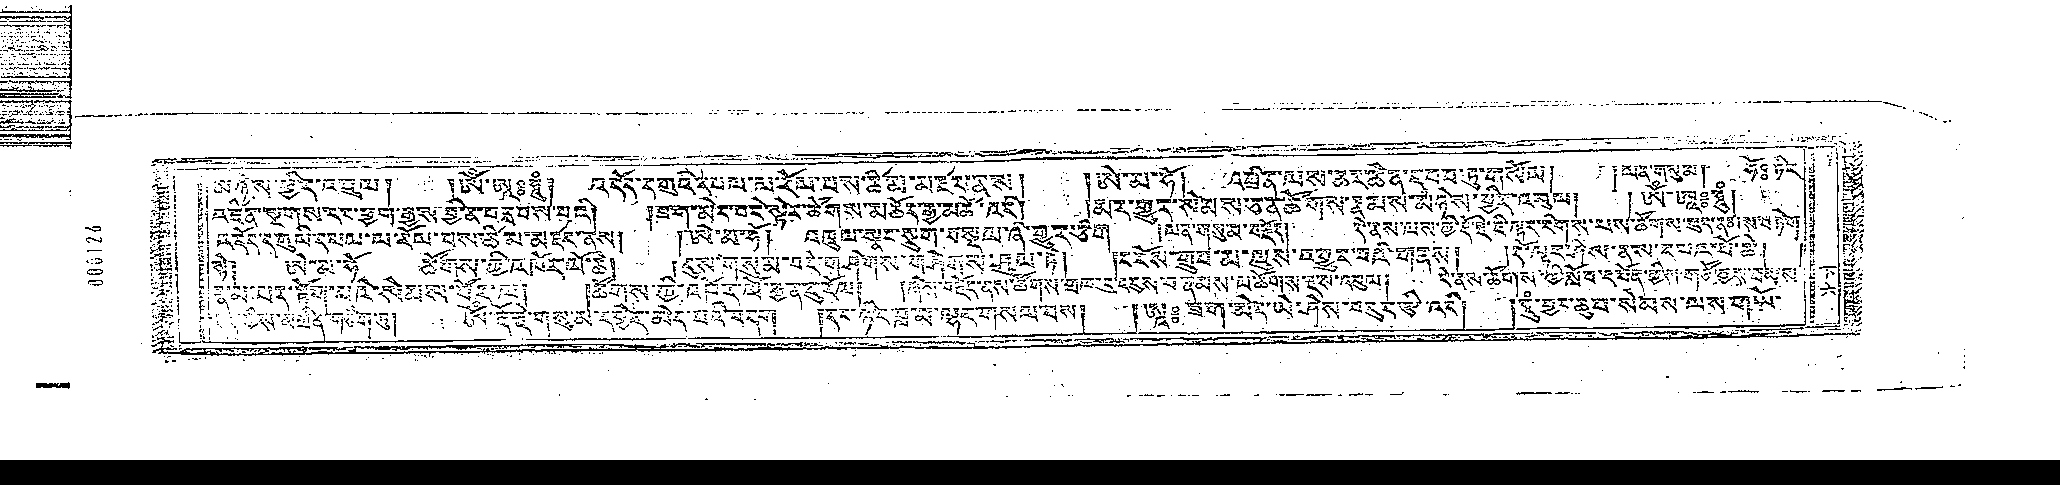མཉེས་ཕྱིར་འབུལ། །ཨོཾ་ཨཱཿ་ཧཱུཾ། འདོད་དགུའི་དཔལ་ལ་རོལ་པས་ཚིམ་མཛད་ནས། །ཨེ་མ་ཧོ། །འཕྲིན་ལས་ཆར་ཆེན་དབབ་ཏུ་གསོལ། །ལན་གསུམ། ཧོཿ་ཏིང་
འཛིན་སྔགས་དང་ཕྱག་རྒྱས་བྱིན་བརླབས་པའི། །ཟག་མེད་བདེ་སྟེར་ཚོགས་མཆོད་རྒྱ་མཚོ་འདི། །མར་གྱུར་སེམས་ཅན་ཚོགས་རྣམས་མཉེས་ཕྱིར་འབུལ། །ཨོཾ་ཨཱཿ་ཧཱུཾ།
འདོད་དགུའི་དབལ་ལ་རོལ་པས་ཚིམ་མཛད་ནས། །ཨེ་མ་ཧོ། འཁྲུལ་སྣང་སྡུག་བསྔལ་ཞི་གྱུར་ཅིག །ལན་གསུམ་བརྗོད། དེ་ནས་ལས་ཀྱི་རྡོ་རྗེ་ཇི་ལྟར་རིགས་པས་ཚོགས་ཕུང་རྣམས་བཏེག་
སྟེ། ཨེ་མ་ཧོ། ཚོགས་ཀྱི་འཁོར་ལོ་ཆེ། །དུས་གསུམ་བདེ་གཤེགས་གཤེགས་ཤུལ་ཏེ། དངོས་གྲུབ་མ་ལུས་འབྱུང་བའི་གནས། །དེ་ལྟར་ཤེས་ནས་དཔའ་བོ་ཆེ། །
རྣམ་པར་རྟོག་པའི་སེམས་བོར་ལ། །ཚོགས་ཀྱི་འཁོར་ལོ་རྒྱན་དུ་རོལ། ཞེས་བརྗོད་ནས་ཚོགས་གྲལ་དུ་འདུས་པ་རྣམས་ལ་ཚོགས་རྗེས་འབུལ། དེ་ནས་ཚོགས་ཀྱི་སློབ་དཔོན་གྱིས་གཙོ་བྱས་ཐམས་
ཅད་ཀྱིས་མགྲིན་གཅིག་ཏུ། ཨོཾ་རྡོ་རྗེ་གསུམ་དབྱེར་མེད་པའི་བདག །རང་ཉིད་བླ་མ་ལྷར་གསལ་བས། །ཨཱཿ་ཟག་མེད་ཡེ་ཤེས་བདུད་རྩི་འདི། །ཧཱུཾ་བྱང་ཆུབ་སེམས་ལས་གཡོ་